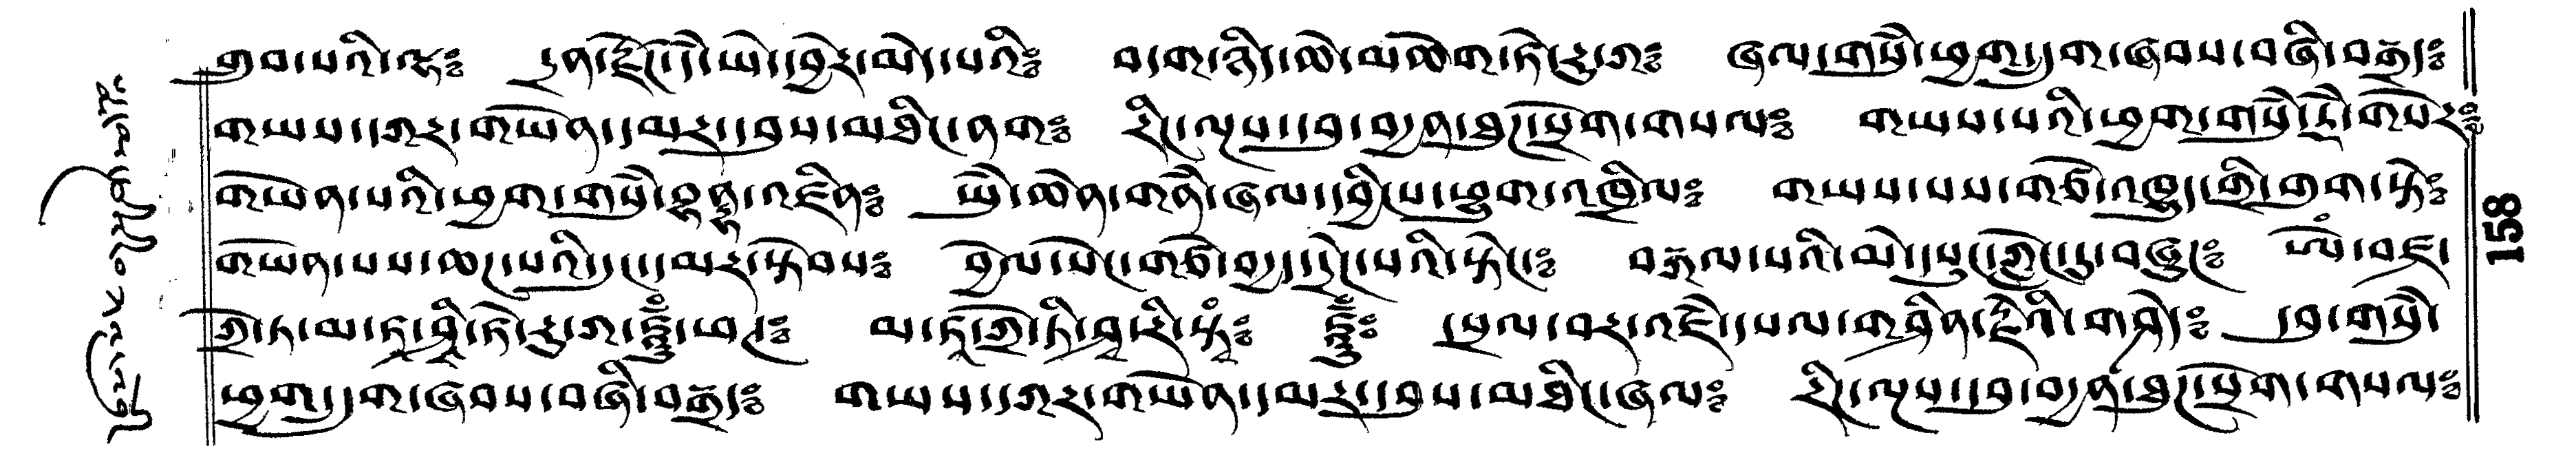གྲུབ་པའི་ལྷ༔ དྲན་རྫོགས་དམ་ཡེ་དབྱེར་མེད་པའི༔ བདག་ཉིད་ཆེ་མཆོག་ཧེ་རུ་ཀ༔ ཞལ་གསུམ་ཕྱག་དྲུག་ཞབས་བཞི་བསྒྲད༔ 
གཡས་དཀར་གཡོན་དམར་དབུས་མཐིང་ནག༔ རིགས་ལྔས་དབུ་བརྒྱན་ཐུགས་སྲོག་གསལ༔ གཡས་པའི་ཕྱག་གསུམ་རྡོ་རྗེ་གསོར༔ 
གཡོན་པའི་ཕྱག་གསུམ་བྷནྡྷ་འཛིན༔ ཡུམ་ཆེན་གནམ་ཞལ་དབྱིངས་ཕྱུག་འཁྲིལ༔ གཡས་པས་གཙོ་འཁྱུད་གྲི་གུག་སྟེ༔ 
གཡོན་པས་ཆགས་པའི་དུང་དམར་སྟོབ༔ བྱོལ་སོང་གཙོ་བརྒྱད་དྲེགས་པའི་སྟེང༔ བསྐལ་པའི་མེ་དཔུང་ཀློང་དུ་བཞུགས༔ ཨོཾ་བཛྲ་
ཀྲོ་དྷ་མ་ཧཱ་ཤྲཱི་ཧེ་རུ་ཀ་ཧཱུྃ་ཕཊ༔མ་ཧཱ་ཀྲོ་དྷི་ཤྭ་རི་སྟྭཾ༔ ཧཱུྃ༔ དཔྲལ་བར་འཇམ་དཔལ་གཤིན་རྗེའི་གཤེད༔ དབུ་གསུམ་
ཕྱག་དྲུག་ཞབས་བཞི་བསྒྲད༔ གཡས་དཀར་གཡོན་དམར་དབུས་མཐིང་ཞལ༔ རིགས་ལྔས་དབུ་བརྒྱན་ཐུགས་སྲོག་གསལ༔